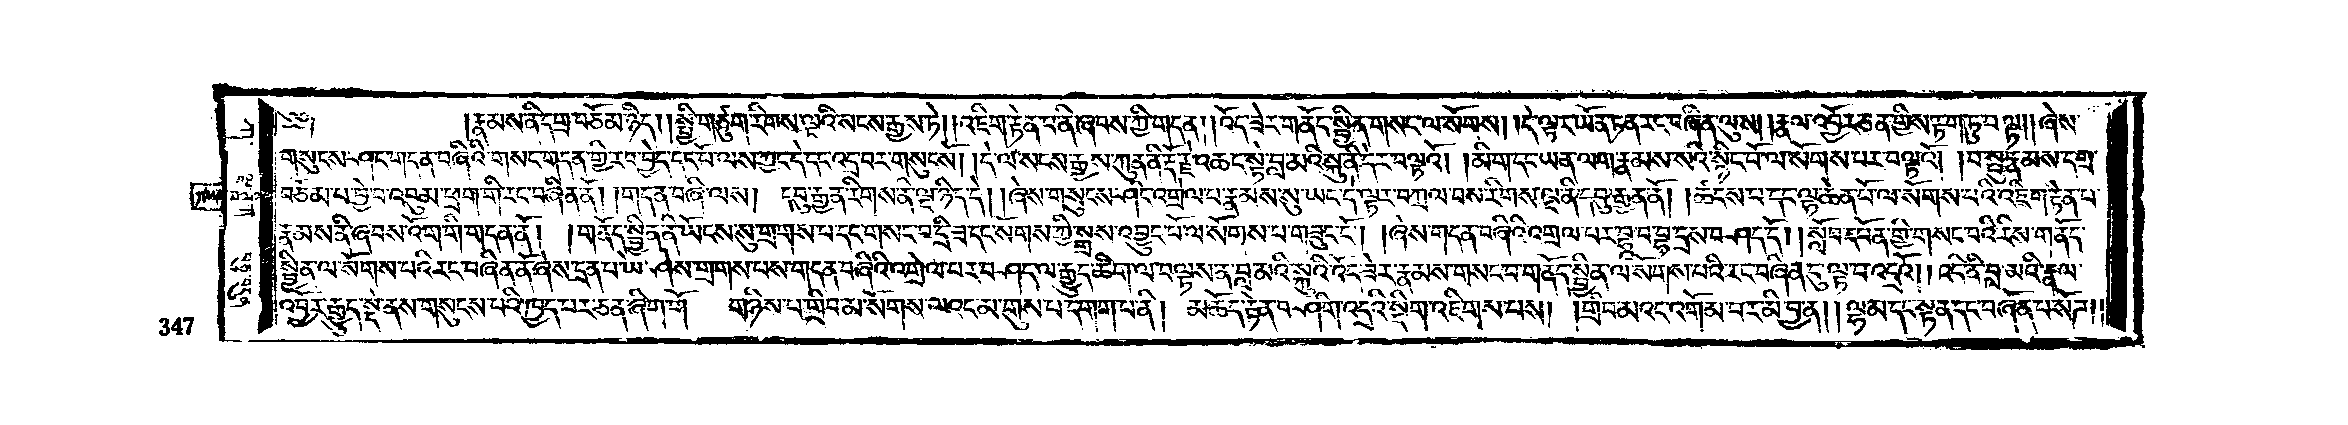༄༅། །རྣམས་ནི་དགྲ་བཅོམ་ཉིད། །སྤྱི་གཙུག་རིགས་ལྔའི་སངས་རྒྱས་ཏེ། །འཇིག་རྟེན་པ་ནི་ཞབས་ཀྱི་གདན། །འོད་ཟེར་གནོད་སྦྱིན་གསང་ལ་སོགས། །དེ་ལྟར་ཡོན་ཏན་རང་བཞིན་ལུས། །རྣལ་འབྱོར་ཅན་གྱིས་རྟག་ཏུ་བལྟ། །ཞེས་
གསུངས་ཤང་གདན་བཞིའི་གསང་གདན་གྱི་རབ་བྱེད་དང་པོ་ལས་ཀྱང་དེ་དང་འདྲ་བར་གསུངས་སོ། །དེ་ལ་སངས་རྒྱས་ཀུན་ནི་རྡོ་རྗེ་འཆང་སྟེ་བླ་མའི་སྐུ་ནི་དེར་བལྟའོ། །མིག་དང་ཡན་ལག་རྣམས་སའི་སྙིང་པོ་ལ་སོགས་པར་བལྟའོ། །བ་སྤུ་རྣམས་དགྲ་
བཅོམ་པ་བྱེ་བ་འབུམ་ཕྲག་གི་རང་བཞིན་ནོ། །གདན་བཞི་ལས། དབུ་རྒྱན་རིགས་ནི་ལྔ་ཉིད་དེ། །ཞེས་གསུངས་ཤིང་འགྲེལ་པ་རྣམས་སུ་ཡང་དེ་ལྟར་བཀྲལ་བས་རིགས་ལྔ་ནི་དབུ་རྒྱན་ནོ། །ཚངས་པ་དང་ལྷ་ཆེན་པོ་ལ་སོགས་པའི་འཇིག་རྟེན་པ་
རྣམས་ནི་ཞབས་འོག་གི་གདན་ནོ། །གནོད་སྦྱིན་ནི་ཡོངས་སུ་གྲགས་པ་དང་གསང་བ་དྲི་ཟ་དང་སོགས་ཀྱི་སྒྲས་འབྱུང་པོ་ལ་སོགས་པ་གཟུང་ངོ། །ཞེས་གདན་བཞིའི་འགྲལ་པར་བྷཱ་བ་བྷ་དྲས་བཤད་དོ། །སློབ་དཔོན་གྱི་གསང་བའི་རིས་གནོད་
སྦྱིན་ལ་སོགས་པའི་རང་བཞིན་ནོ་ཞེས་དྲན་པ་ཡེ་ཤེས་གྲགས་པས་གདན་བཞིའི་འགྲེལ་པར་བཤད་ལ་རྒྱུད་ཚིག་ལ་བལྟས་ན་བླ་མའི་སྐུའི་འོད་ཟེར་རྣམས་གསང་བ་གནོད་སྦྱིན་ལ་སོགས་པའི་རང་བཞིན་དུ་ལྟ་བ་འདྲའོ། །འདི་ནི་བླ་མའི་རྣལ་
འབྱོར་རྒྱུད་སྡེ་ནས་གསུངས་པའི་ཁྱད་པར་ཅན་ཞིག་གོ །གཉིས་པ་གྲིབ་མ་སོགས་ལའང་མ་གུས་པ་དགག་པ་ནི། མཆོད་རྟེན་བཤིག་འདྲའི་སྡིག་འཇིགས་པས། །གྲིབ་མའང་འགོམ་པར་མི་བྱ་ན། །ལྷ་མ་དང་སྟན་དང་གཞོན་པ་སོགས།།